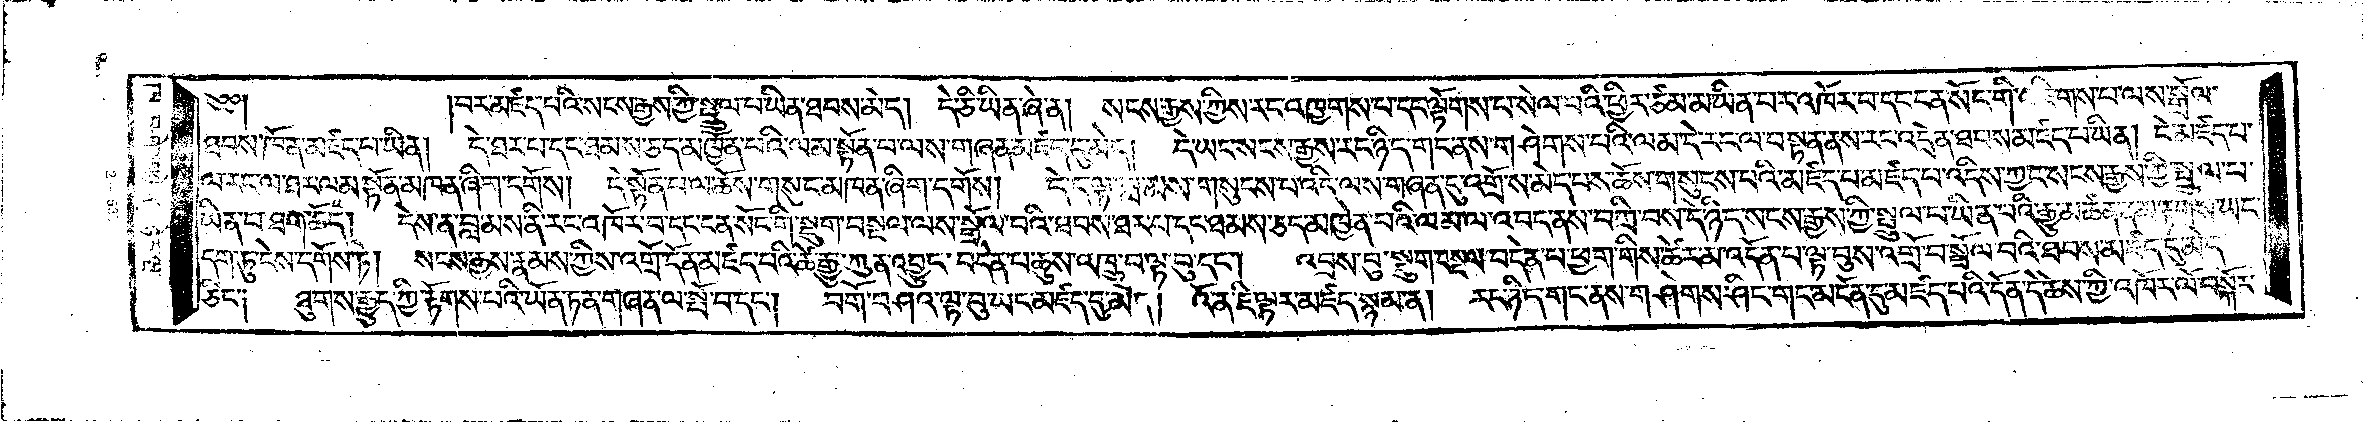༄༅། །བར་མཛད་པའི་སངས་རྒྱས་ཀྱི་སྤྲུལ་པ་ཡིན་ཐམས་ཅད་མེད། དེ་ཅི་ཡིན་ཞེ་ན། སངས་རྒྱས་ཀྱིས་རང་འཁྱགས་པ་དང་ལྟོགས་པ་སེལ་བའི་ཕྱིར་ཙམ་མ་ཡིན་པར་འཁོར་པ་དང་ངན་སོང་གི་འཇིགས་པ་ལས་སྒྲོལ་
ཐབས་ཁོ་ན་མཛད་པ་ཡིན། དེ་ཐར་པ་དང་ཐམས་ཅད་མཁྱོན་པའི་ལམ་སྟོན་པ་ལས་གཞན་མཛད་དུ་མེད། དེ་ཡང་སངས་རྒྱས་རང་ཉིད་གང་ནས་གཤེགས་པའི་ལམ་དེ་རང་ལ་བསྟན་ནས་རང་འདྲེན་ཐབས་མཛད་པ་ཡིན། དེ་མཛད་པ་
ལ་རང་ལ་ཐར་ལམ་སྟོན་མཁན་ཞིག་དགོས། དེ་སྟོན་པ་ལ་ཆོས་གསུང་མཁན་ཞིག་དགོས། དེ་ད་ལྟ་བླ་མས་གསུངས་པ་འདི་ལས་གཞན་དུ་འགྲོ་ས་མེད་པས་ཆོས་གསུངས་པའི་མཛད་པ་མཛད་པ་འདིས་ཀྱང་སངས་རྒྱས་ཀྱི་སྤྲུལ་པ་
ཡིན་པ་ཐག་ཆོད། དེས་ན་བླ་མས་ནི་རང་འཁོར་བ་དང་ངན་སོང་གི་སྡུག་བསྔལ་ལས་སྒྲོལ་བའི་ཐབས་ཐར་པ་དང་ཐམས་ཅད་མཁྱེན་པའི་ལམ་ལ་འབད་ནས་བཀྲི་བས་དེ་ཉིད་སངས་རྒྱས་ཀྱི་སྤྲུལ་པ་ཡིན་པའི་རྒྱུ་མཚན་ནམ་རྟགས་ཡང་
དག་ཏུ་ངེས་དགོས་ཏེ། སངས་རྒྱས་རྣམས་ཀྱིས་འགྲོ་དོན་མཛད་པའི་ཚེ་རྒྱུ་ཀུན་འབྱུང་བདེན་པ་ཆུས་འཁྲུ་བ་ལྟ་བུ་དང་། འབྲས་བུ་སྡུག་བསྔལ་བདེན་པ་ཕྱག་གིས་ཚེར་མ་འདོན་པ་ལྟ་བུས་འགྲོ་བ་སྒྲོལ་བའི་ཐབས་མཛད་དུ་མེད་
ཅིང༑ ཐུགས་རྒྱུད་ཀྱི་རྟོགས་པའི་ཡོན་ཏན་གཞན་ལ་སྤོ་བ་དང་། བགོ་བཤའ་ལྟ་བུ་ཡང་མཛད་དུ་མེད། འོ་ན་ཇི་ལྟ་མཛད་སྙམ་ན། རང་ཉིད་གང་ནས་གཤེགས་ཤིང་གང་མངོན་དུ་མཛད་པའི་དོན་དེ་ཆེས་ཀྱི་འཁོར་ལོ་བསྐོར་